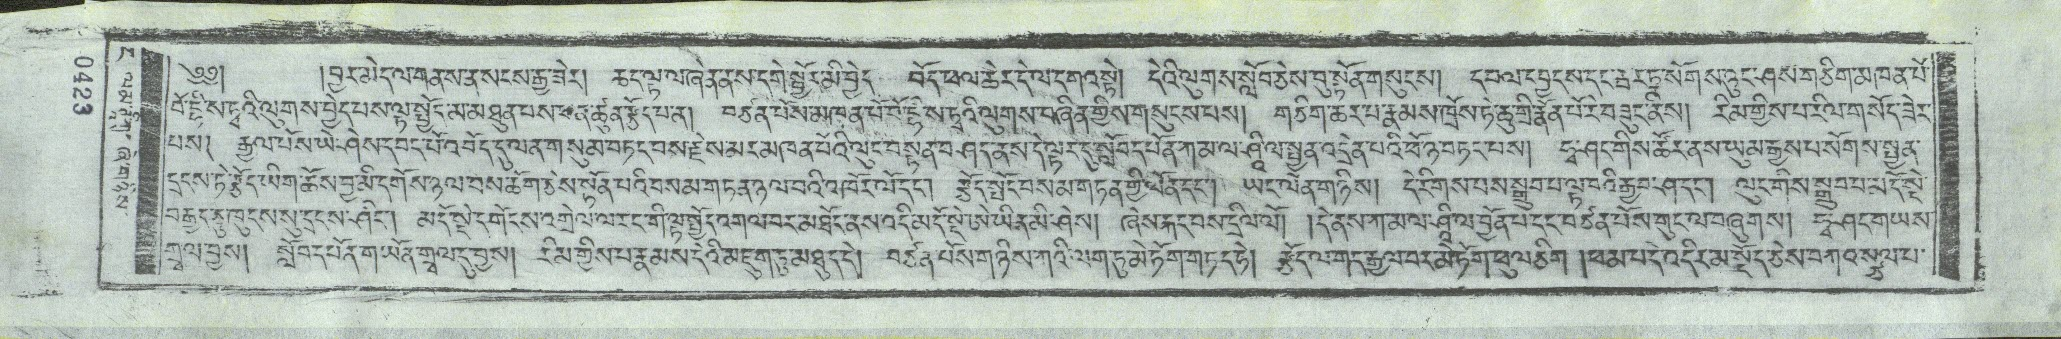༄༅། །བྱར་མེད་ལ་གནས་ན་སངས་རྒྱ་ཟེར། ཆད་ལྟ་ལ་ཞེན་ནས་དགེ་སྦྱོར་མི་བྱེད་བོད་ཕལ་ཆེར་དེ་ལ་དགའ་སྟེ། དེའི་ལུགས་སློབ་ཅེས་བུ་སྟོན་གསུངས། དབལ་དབྱངས་དང་ཅར་ཏ་སོགས་ཉུང་ཤས་གཅིག་མཁན་པོ་
བོ་དྷི་ས་ཏྭའི་ལུགས་བྱེད་པས་ལྟ་སྤྱོད་མ་མཐུན་པས་ཕན་ཚུན་རྩོད་པ་ན། བཙན་པོས་མཁན་པོ་བོ་དྷི་ས་ཏྭའི་ལུགས་བཞིན་གྱིས་གསུངས་པས། གཅིག་ཆར་པ་རྣམས་ཁྲོས་ཏེ་ཆུ་གྲི་རྣོན་པོ་རེ་བཟུང་ནིས། རིམ་གྱིས་པ་རིལ་གསོད་ཟེར་
པས༑ རྒྱལ་པོས་ཡེ་ཤེས་དབང་པོ་འབོད་དུ་ལན་གསུམ་བཏང་བས་རྗེས་མར་མཁན་པོའི་ལུང་བསྟན་བཤད་ནས་དེ་ལྟར་དུ་སློབ་དཔོན་ཀ་མ་ལ་ཤཱི་ལ་སྤྱན་འདྲེན་པའི་ཕོ་ཉ་བཏང་པས། ཧྭ་ཤང་གིས་ཚོར་ནས་ཡུམ་རྒྱས་པ་སོགས་སྤྱན་
དྲངས་ཏེ་རྩོད་ཡིག་ཆོས་བྱ་མི་དགོས་ཉལ་བས་ཆོག་ཅེས་སྟོན་པའི་བསམ་གཏན་ཉལ་བའི་འཁོར་ལོ་དང་། རྩོད་སྤོང་བསམ་གཏན་གྱི་ཡོན་དང་། ཡང་ལེན་གཉིས། དེ་རིགས་པས་སྒྲུབ་པ་ལྟ་བའི་རྒྱབ་ཤ་དང་། ལུང་གིས་སྒྲུབ་པ་མདོ་སྔེ་
བརྒྱད་ཅུ་ཁུངས་སུ་དྲངས་ཤིང་། མདོ་སྔེ་དགོངས་འགྲེལ་ལ་རང་གི་ལྟ་སྤྱོད་འགལ་བར་མཐོང་ནས་འདི་མདོ་སྔེ་ཨེ་ཡིན་མི་ཤེས། ཞེས་རྐང་བས་དྲིལ་ལོ། །དེ་ནས་ཀ་མ་ལ་ཤཱི་ལ་བྱོན་པ་དང་བཙན་པོས་གུང་ལ་བཞུགས། ཧྭ་ཤབ་གཡས་
གྲྭལ་བྱས། སློབ་དཔོན་གཡོན་གྲྭལ་དུ་བྱས། རིམ་གྱིས་པ་རྣམས་དེའི་མཇུག་ཏུ་མཐུད་དེ། བཙན་པོས་གཉིས་ཀའི་ལག་ཏུ་མེ་ཏོག་གཏད་ཏེ། རྩོད་ལ་གད་རྒྱལ་བར་མེ་ཏོག་ཕུལ་ཅིག །ཕམ་པ་དེ་འདིར་མ་སྡོད་ཅེས་བཀའ་སྩལ་པ་